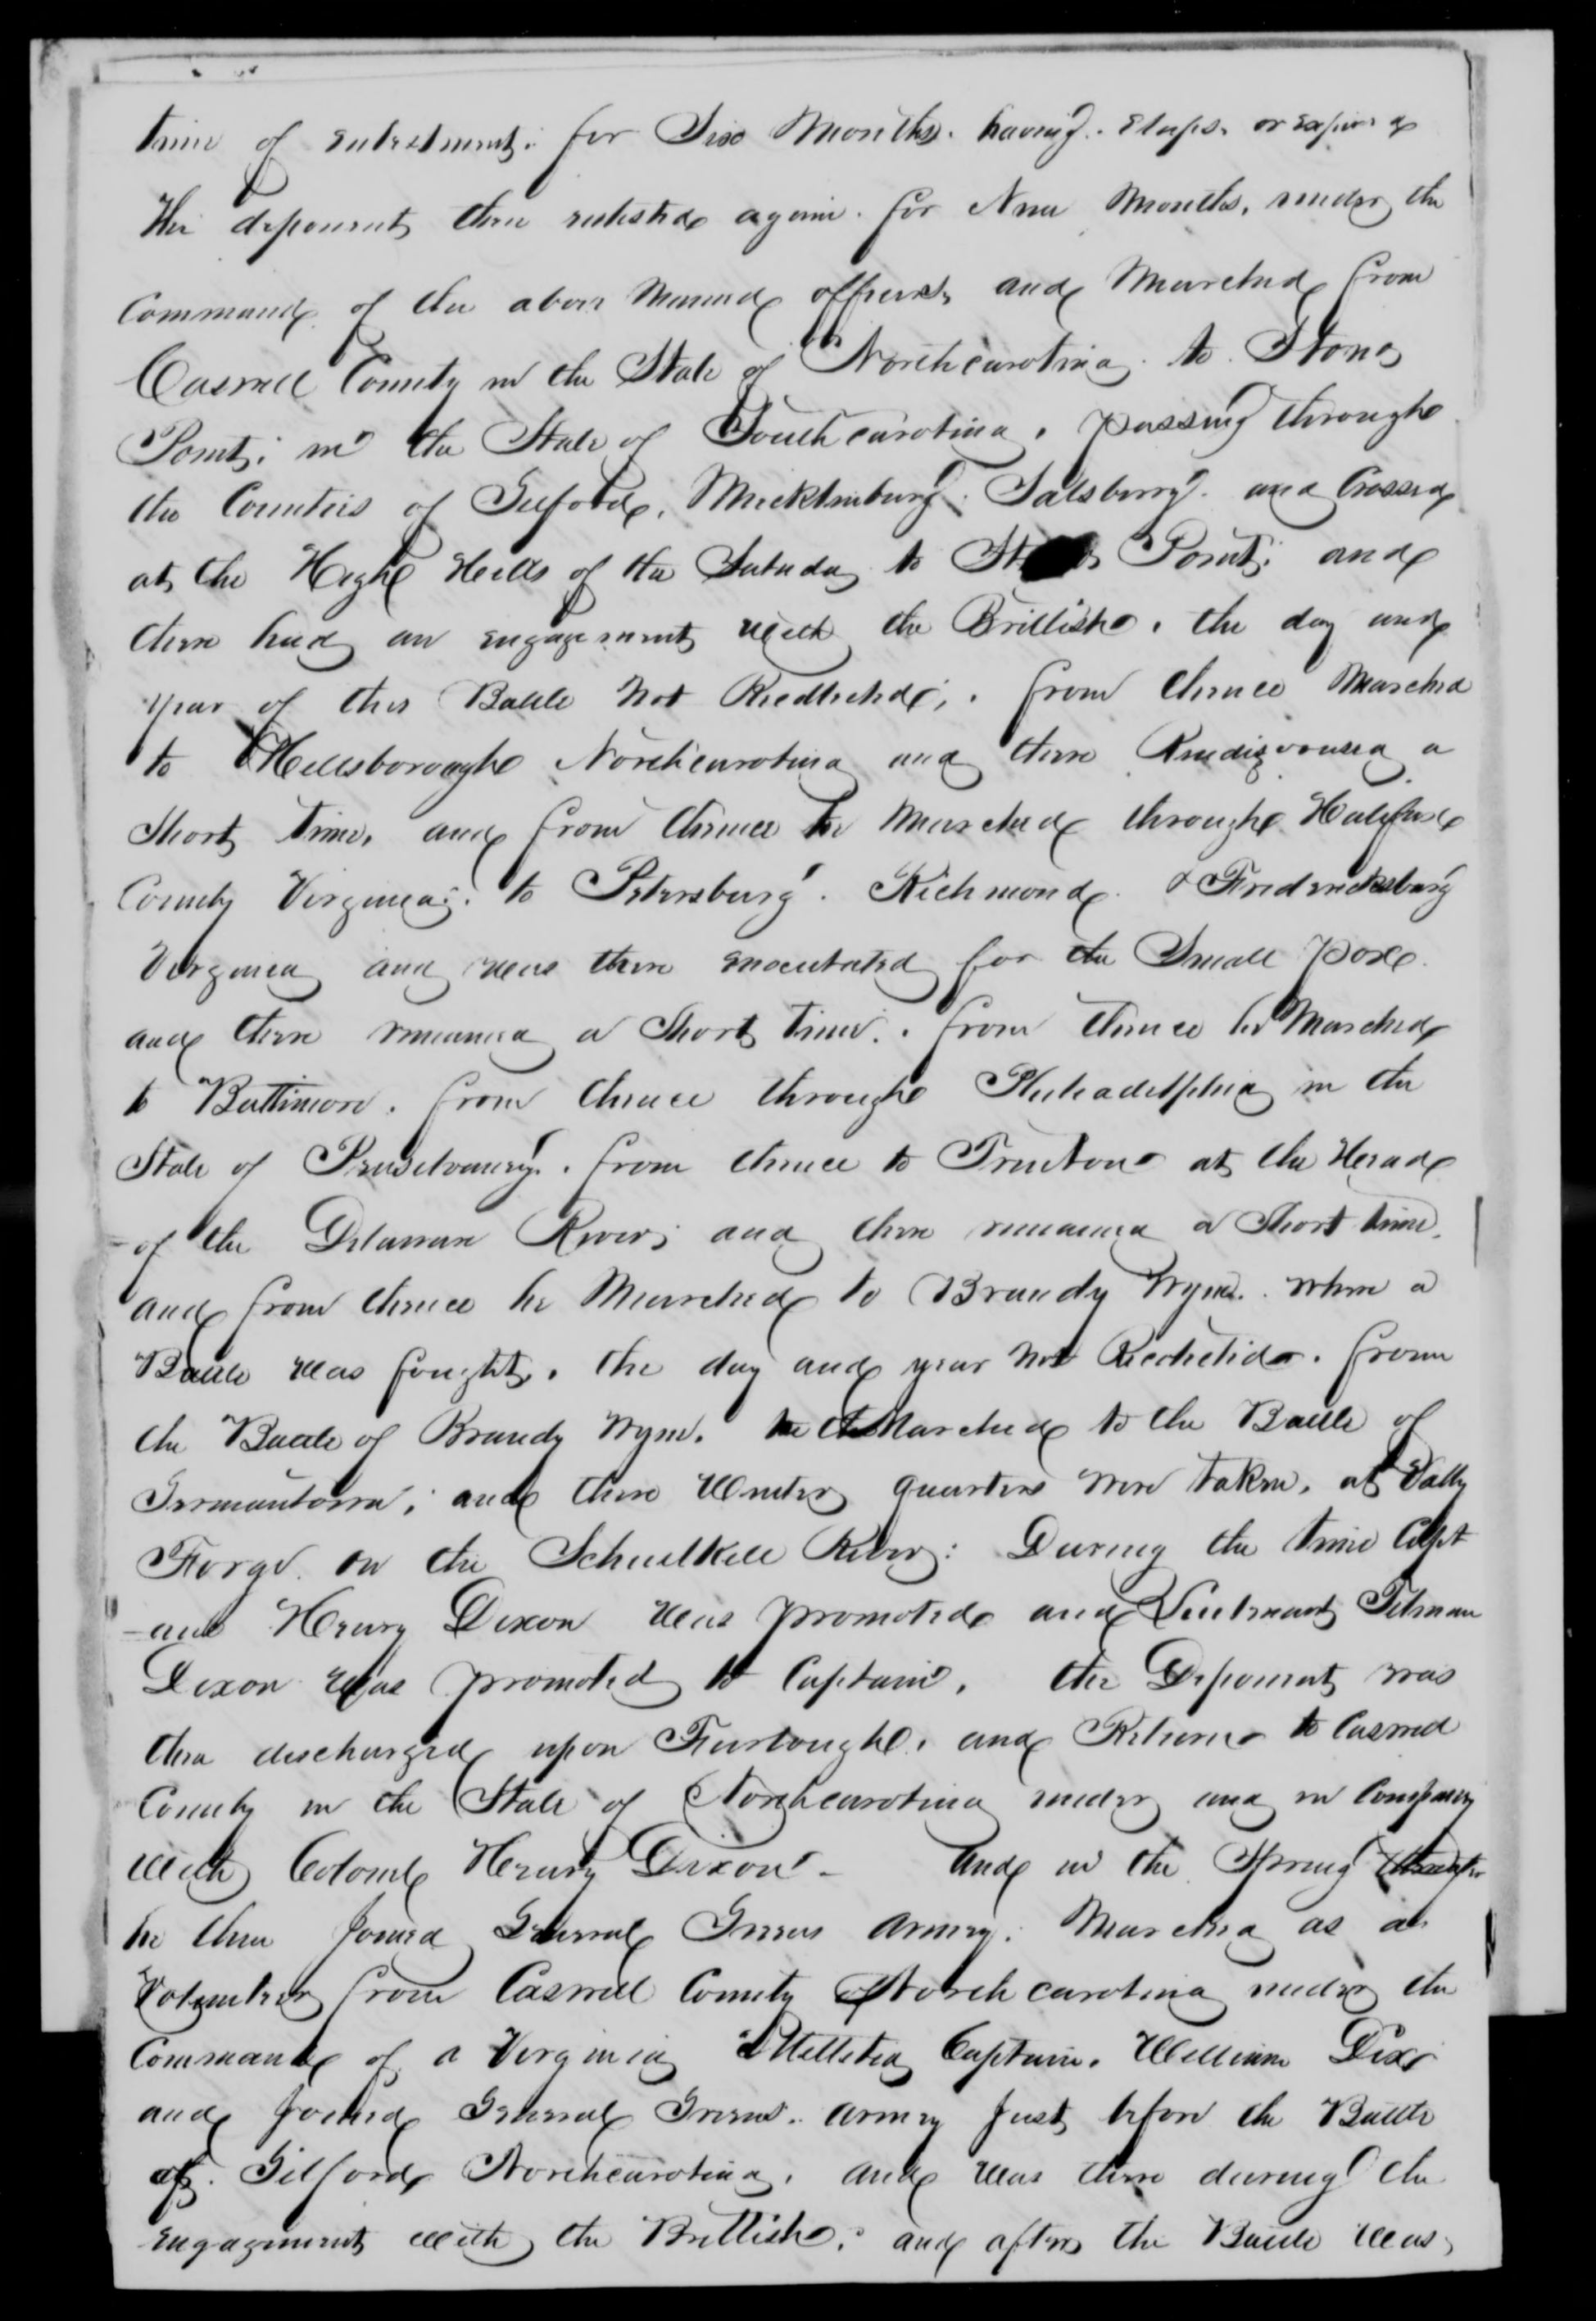time of enlistement for Six Months, having [illegible]
The deponent then enlisted again for Nine months, under the
command of the above named officers and Marched from
Caswell County in the State of North Carolina to Stony
Point in the State of South Carolina, passing through
the Counties of Guilford, Mecklenburg Salsbury and Crossing
at the High Hill of the Saturday to Stony Point and
there had an engagement with the British. the day and
part of this Battle not Recollected; from thence marched
to Hillsborough North Carolina, and there [illegible] a
Short time, and from there he marched through Halifax
County Virginia to Petersburg Richmond & Fredericksburg
Virginia and was then [illegible] for the Small pox
and there remaining a short time from thence he marched
to Baltimore, from thence through Philadelphia in the
State of Pennsylvania, from thence to Trenton at the Head of
the Delaware River and there remained a short did
and from thence he marched to Brandywine  where a
Battle was fought, the day and year not Recollected from
the Battle of Brandywine. He then marched to the Battle of
Germantown, and there winter quarters were taken, at Valley
Forge on the Schuylkill river. During the time Capt
and Henry Dixon was promoted and Lieutenant Tilman
Dixon was promoted to Captain, the Deponent was
the discharged upon Furlough and Returned to Caswell
County in the State of North Carolina under and in company
with Colonel Henry Dixon
and in the spring [illegible]
he there Joined General Green's Army. Marching as a
Volunteer from Caswell County North Carolina made the
command of a Virginia Militia Captain William Dixon
and Joined General Greens army just before the Battle of
Gilford North Carolina and was there during the
engagements with the British, and after the Battle was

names: Tilman Dixon; William Dix; Henry Dixon; Henry Dixon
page: 7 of 25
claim: survivor's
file: S. 31,993, for Jacob Stillwell, North Carolina